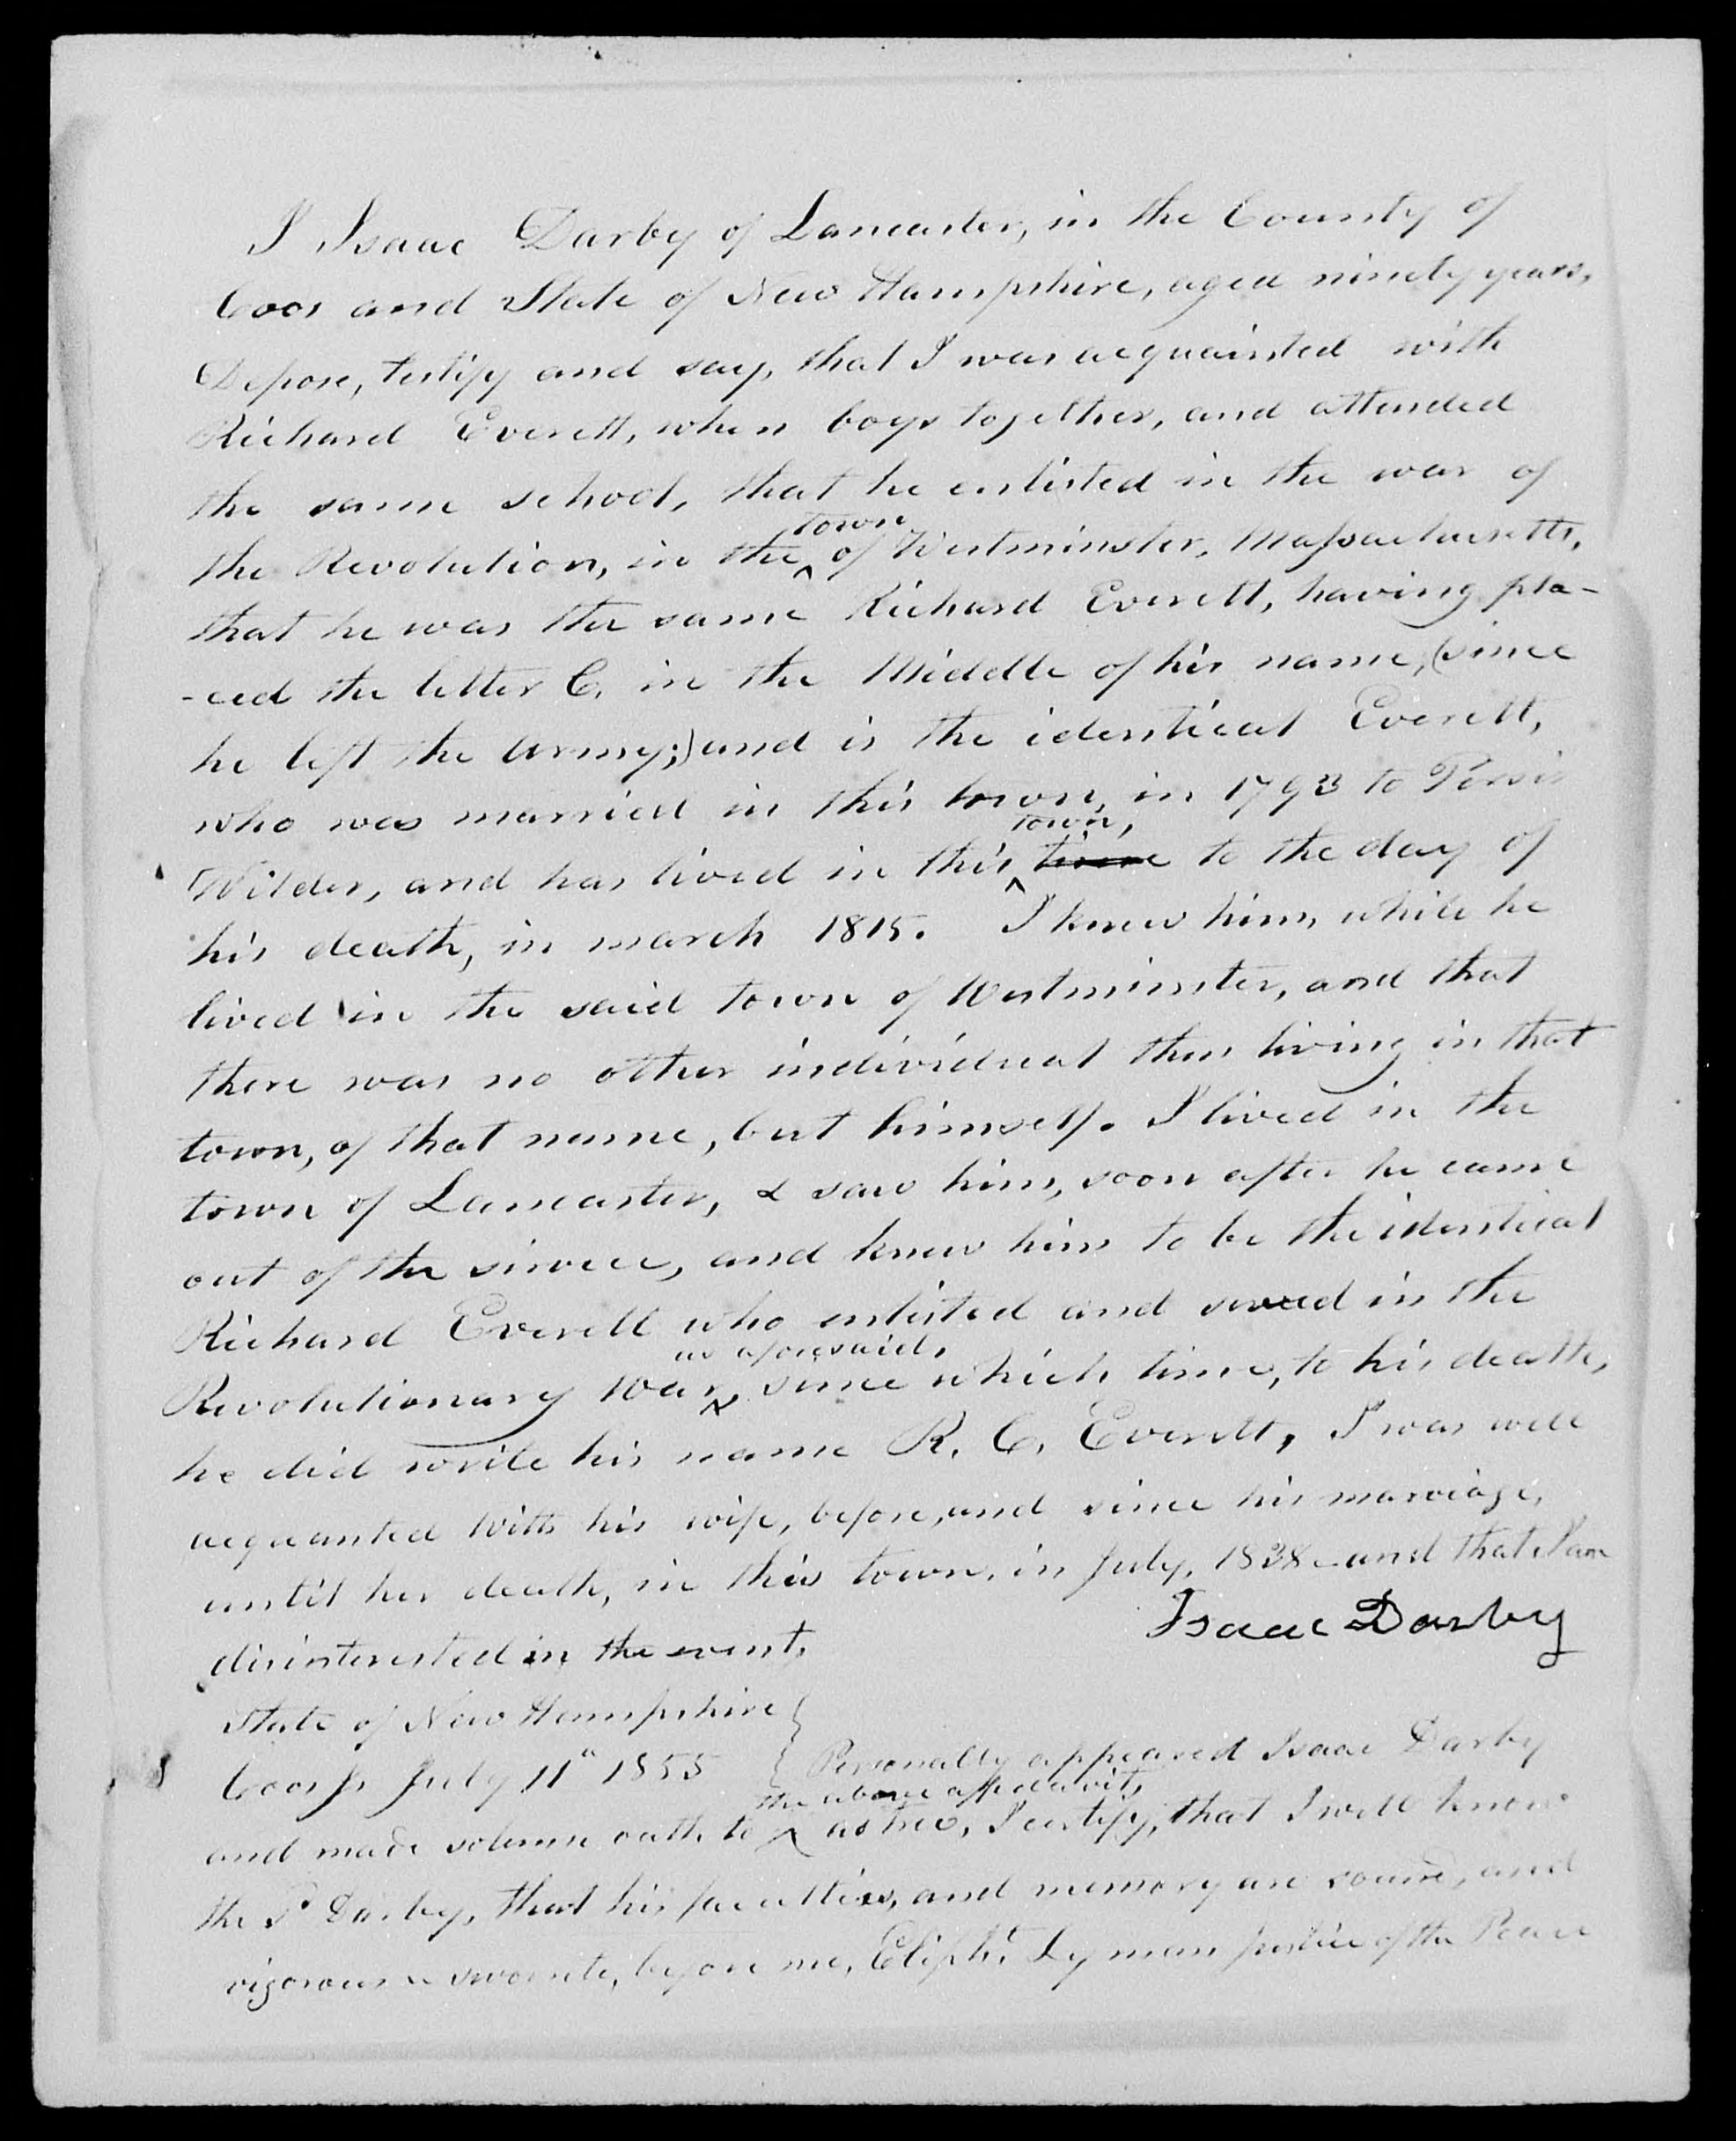I Isaac Darby of Lancaster in the County of Coos and State of New Hampshire, aged ninety years, Depose, testify and say, that I was acquainted with Richard Everett, when boys together, and attended the same school, that he enlisted in the war of the Revolution, in the town of Westminster, Massachusetts, that he was the same Richard Everett, having placed the letter E. in the Middle of his name, (since he left the army;) and is the identical Everett, who was married in this town in 1793 to Persis Wilder, and has lived in this town to the day of his death, in march 1815. I knew him while he lived in the said town of Westminster, and that there was no other individual there living in that town of that name, but himself. I lived in the town of Lancaster, & saw him, soon after he came out of the service, and knew him to be the identical Richard Everett who enlisted and served in the Revolutionary War as aforesaid, since which time, to his death he did write his name R.C.Everett, I was well acquainted with his wife, before, and since his marriage until her death, in this town in July, 1838 and that I am disinterested in the event. Isaac Darby
State of New Hampshire
Coos July 11th 1855} Personally appeared Isaac Darby and made solemn oath to the above affidavit [illegible], I certify, that I well know the I. Darby, that his faculties, and memory are sound, and vigorous ~ [illegible], before me, Elipht. Lyman Justice of the Peace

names: Persis Wilder, Isaac Darby, Everett, R C Everett, Isaac Darby, Richard Everett, Isaac Darby, Richard Everett, Richard Everett, I Darby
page: 44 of 59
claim: widow's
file: W. 23017, Richard Clair Everett, Mass.